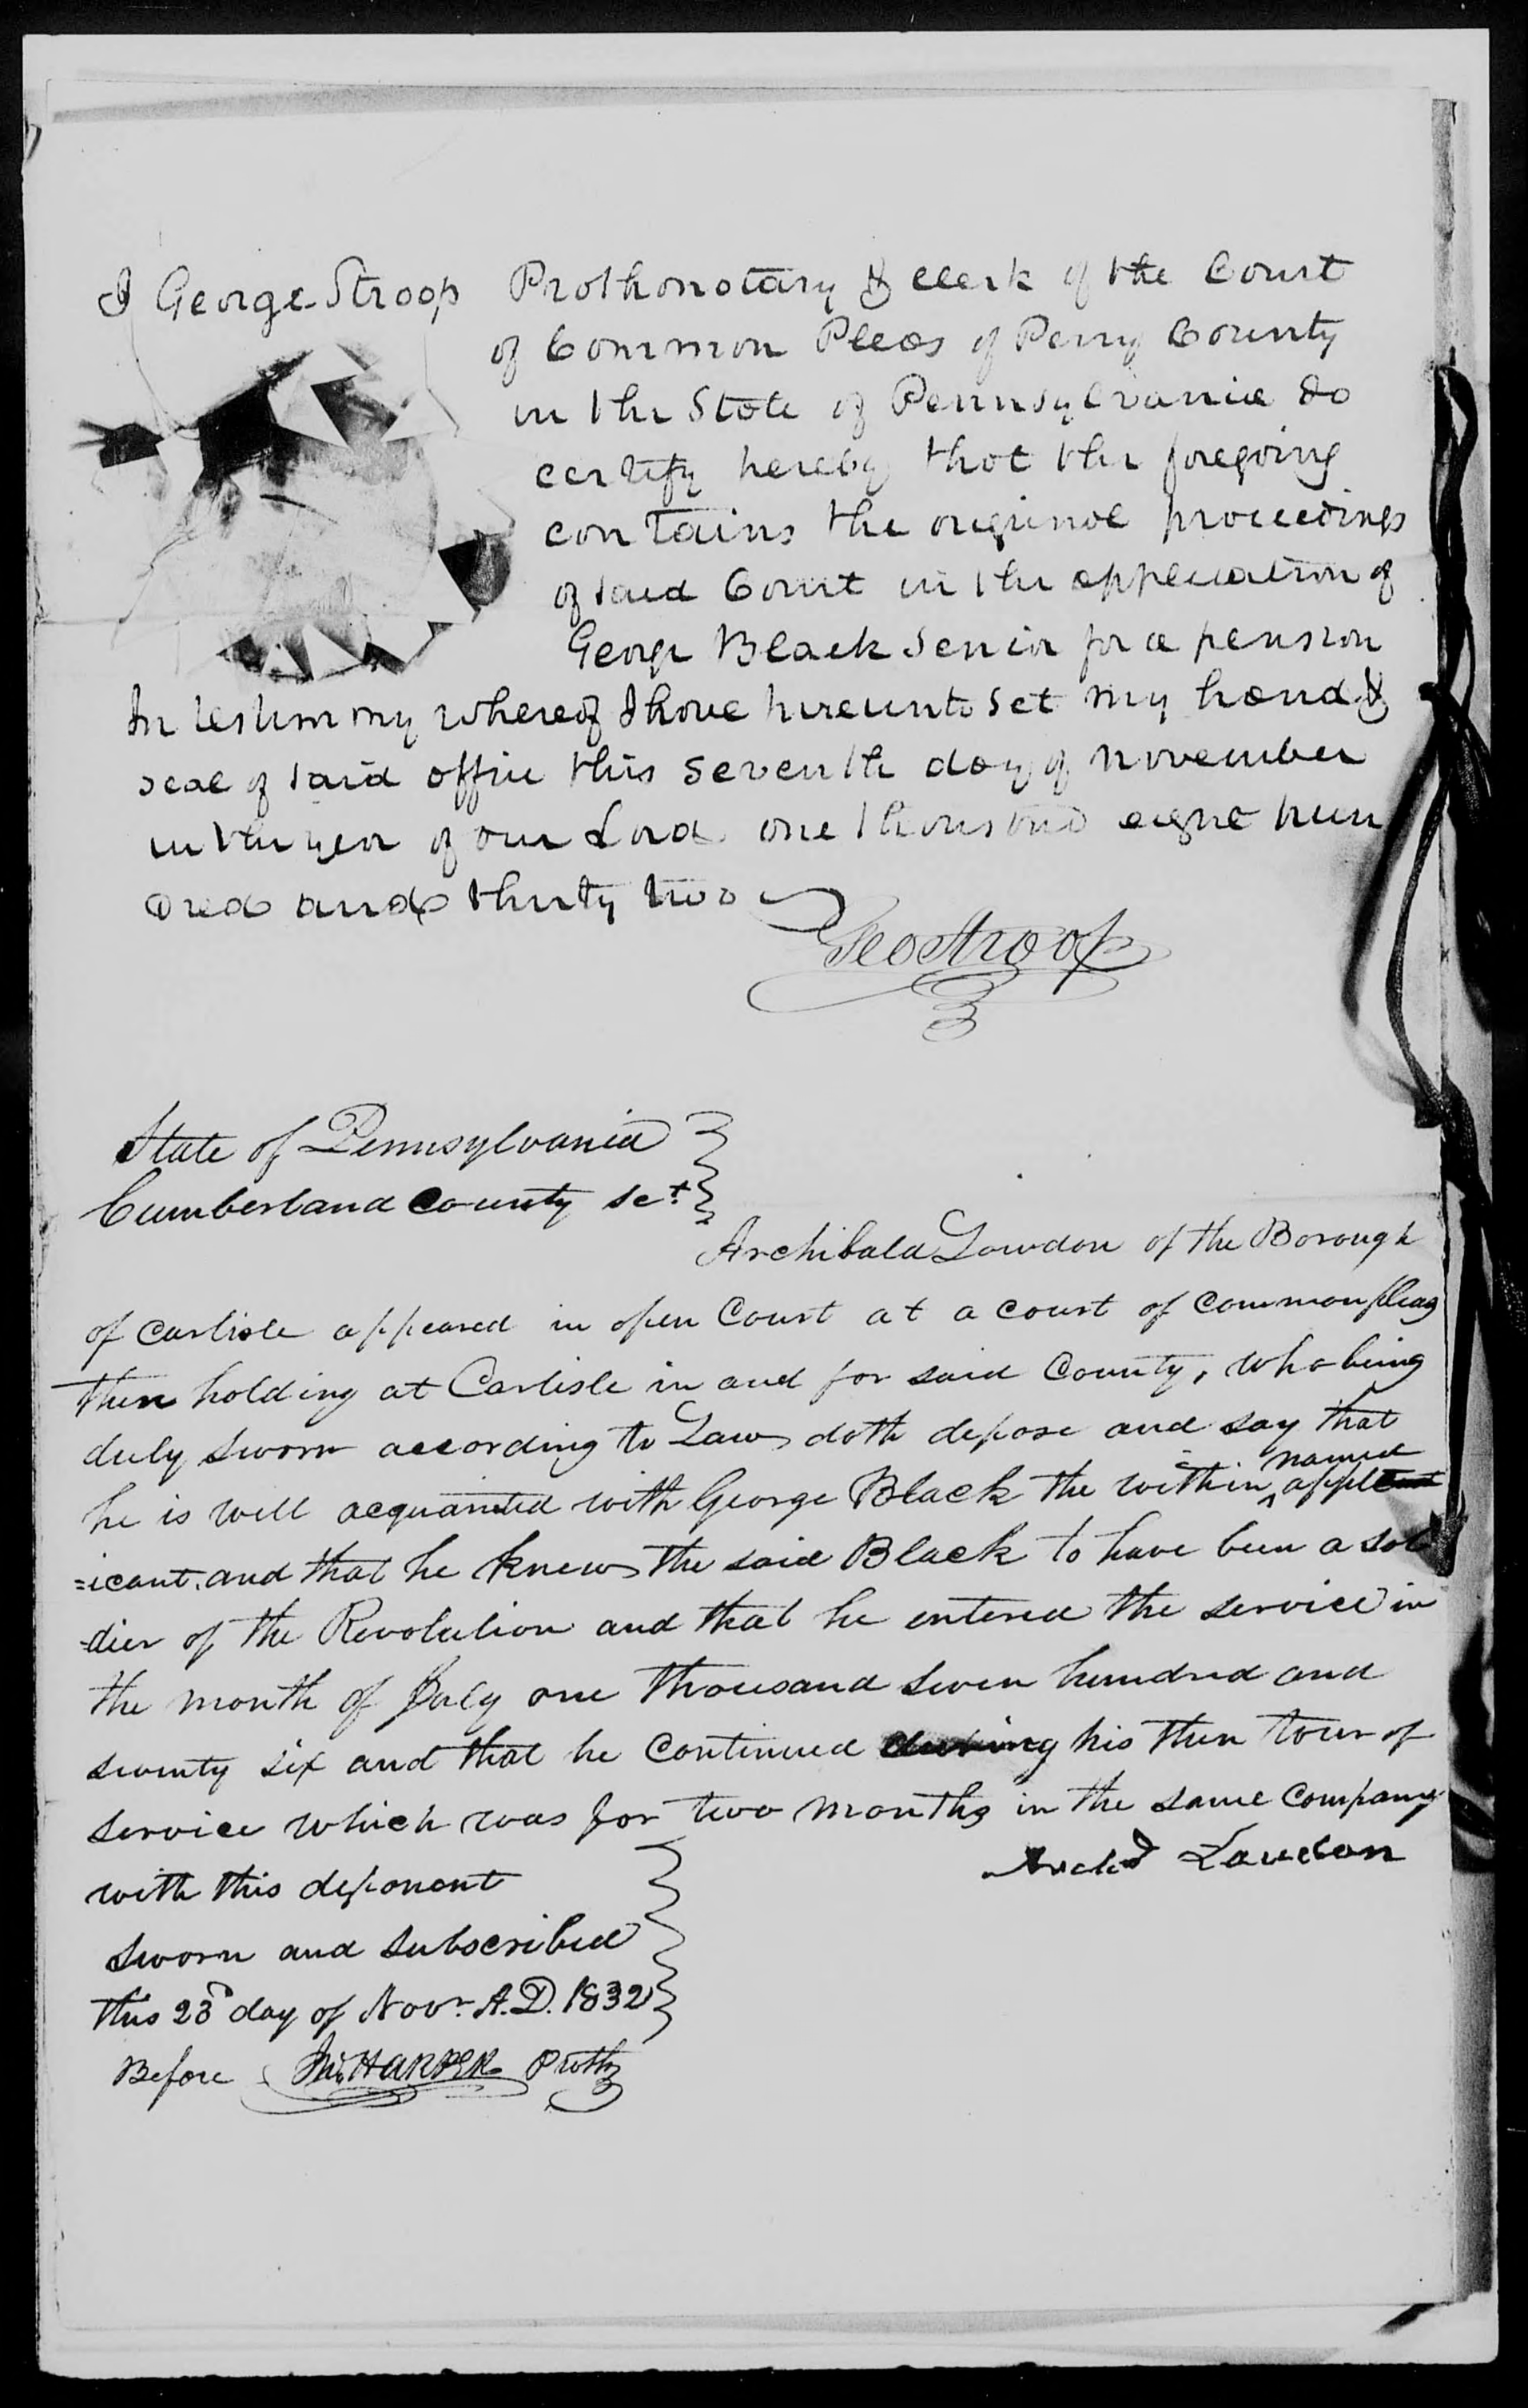I George Stroop Prothonotary of clerk of the Court of Common Pleas of Perry County in the State of Pennsylvania do certify hereby that the foregoing contains Court in the application of George Black Senior for a pension
In testimony whereof I have hereunto set my hand & seal of said office this seventh day of November in the year of our Lord one thousand eight hundred & [illegible] [illegible] thirty two
Geo Stroop
State of Pennsylvania
Cumberland County [illegible]
Archibald Lawdon of the Borough of Carlisle appeared in open Court at a court of Common Pleas then holding at Carlisle in and for said County, who being duly sworn according to Law doth depose and say that he is well acquainted with George Black the within named applicant and that he knew the said Black to have been a soldier of the Revolution and that he entered the service in the month of July one thousand seven hundred and seventy six and that he continued during his then tour of service which was for two months in the same company with his deponent
Sworn and Subscribed 
this 23rd day of Nov. A. D. 1832
Before Jon Harper Prothy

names: George Black, Archd Lowdon, George Stroop, Geo Stroop, George Black, Jno Harper, Archibald Lowdon, Black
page: 12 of 30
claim: widow's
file: W. 3211, George Black, Penn.